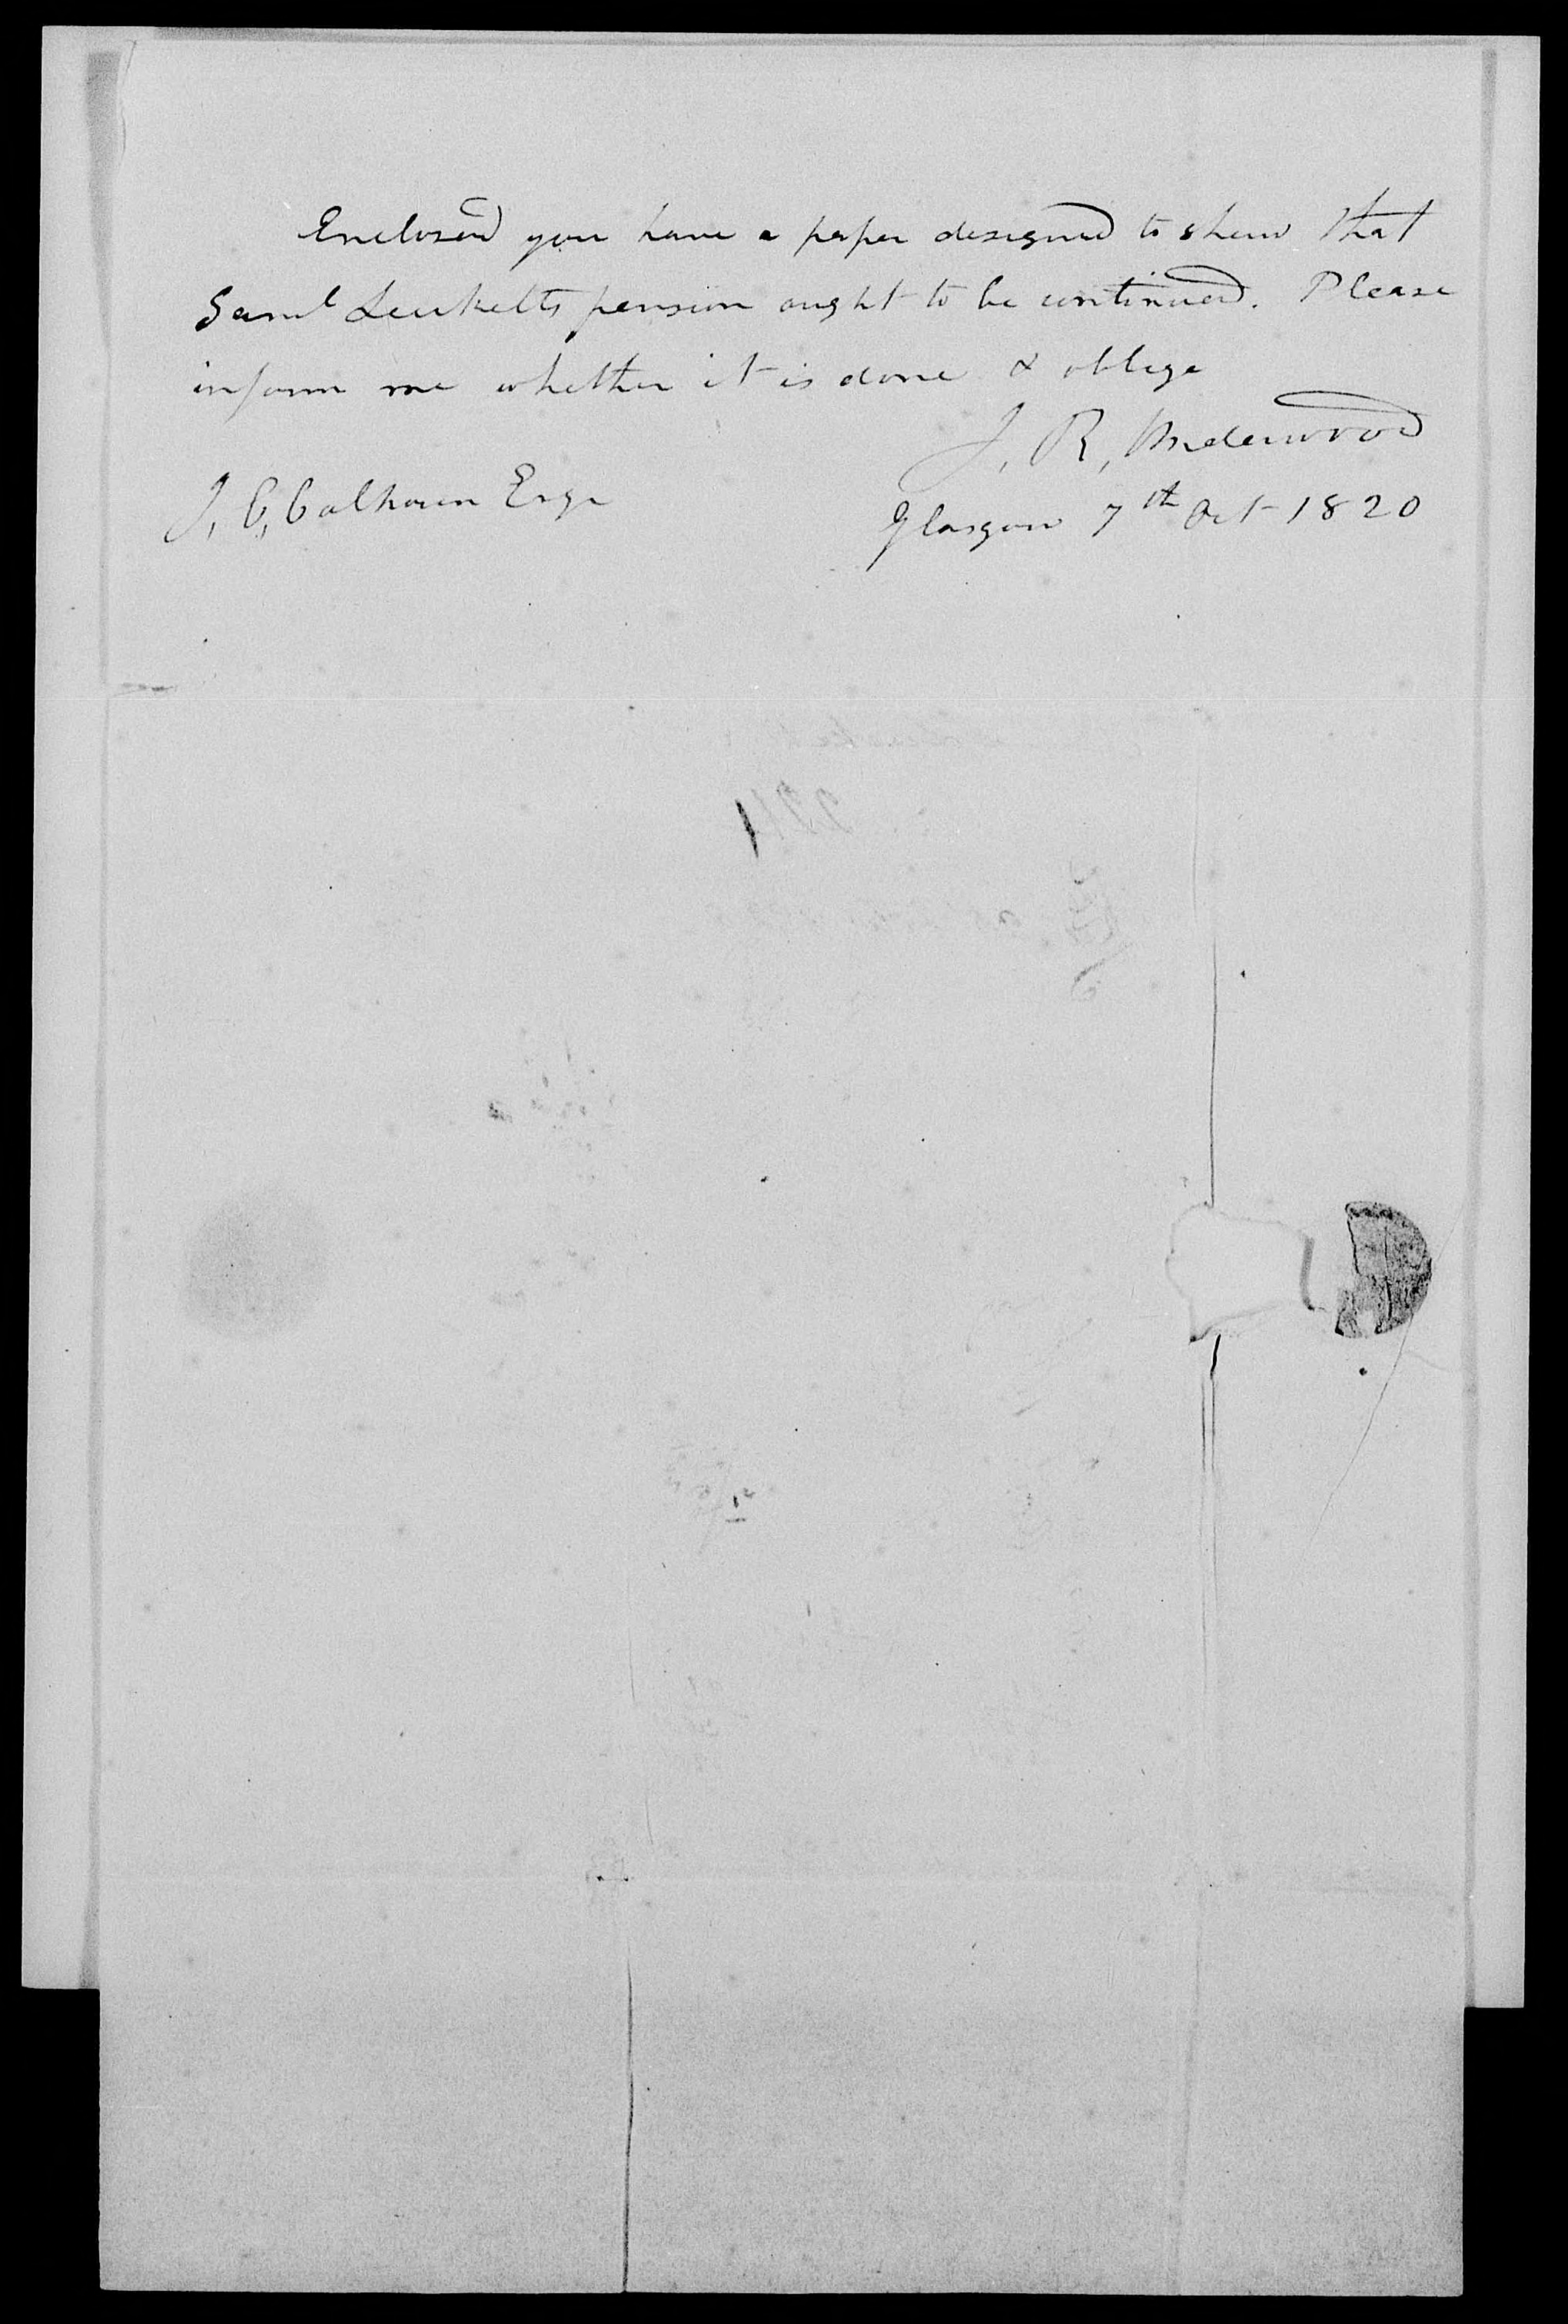Enclosed you have a paper designed to show that Samuel Lucketts pension ought to be continued.  Please inform me whether it is done & oblige.
J. R. Underwood
Glasgow 7th Oct 1820

J. C. Calhoun Esqr.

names: J R Underwood; J C Calhoun; Saml Luckett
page: 20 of 34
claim: survivor's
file: S. 36,051, for Samuel Luckett, Maryland